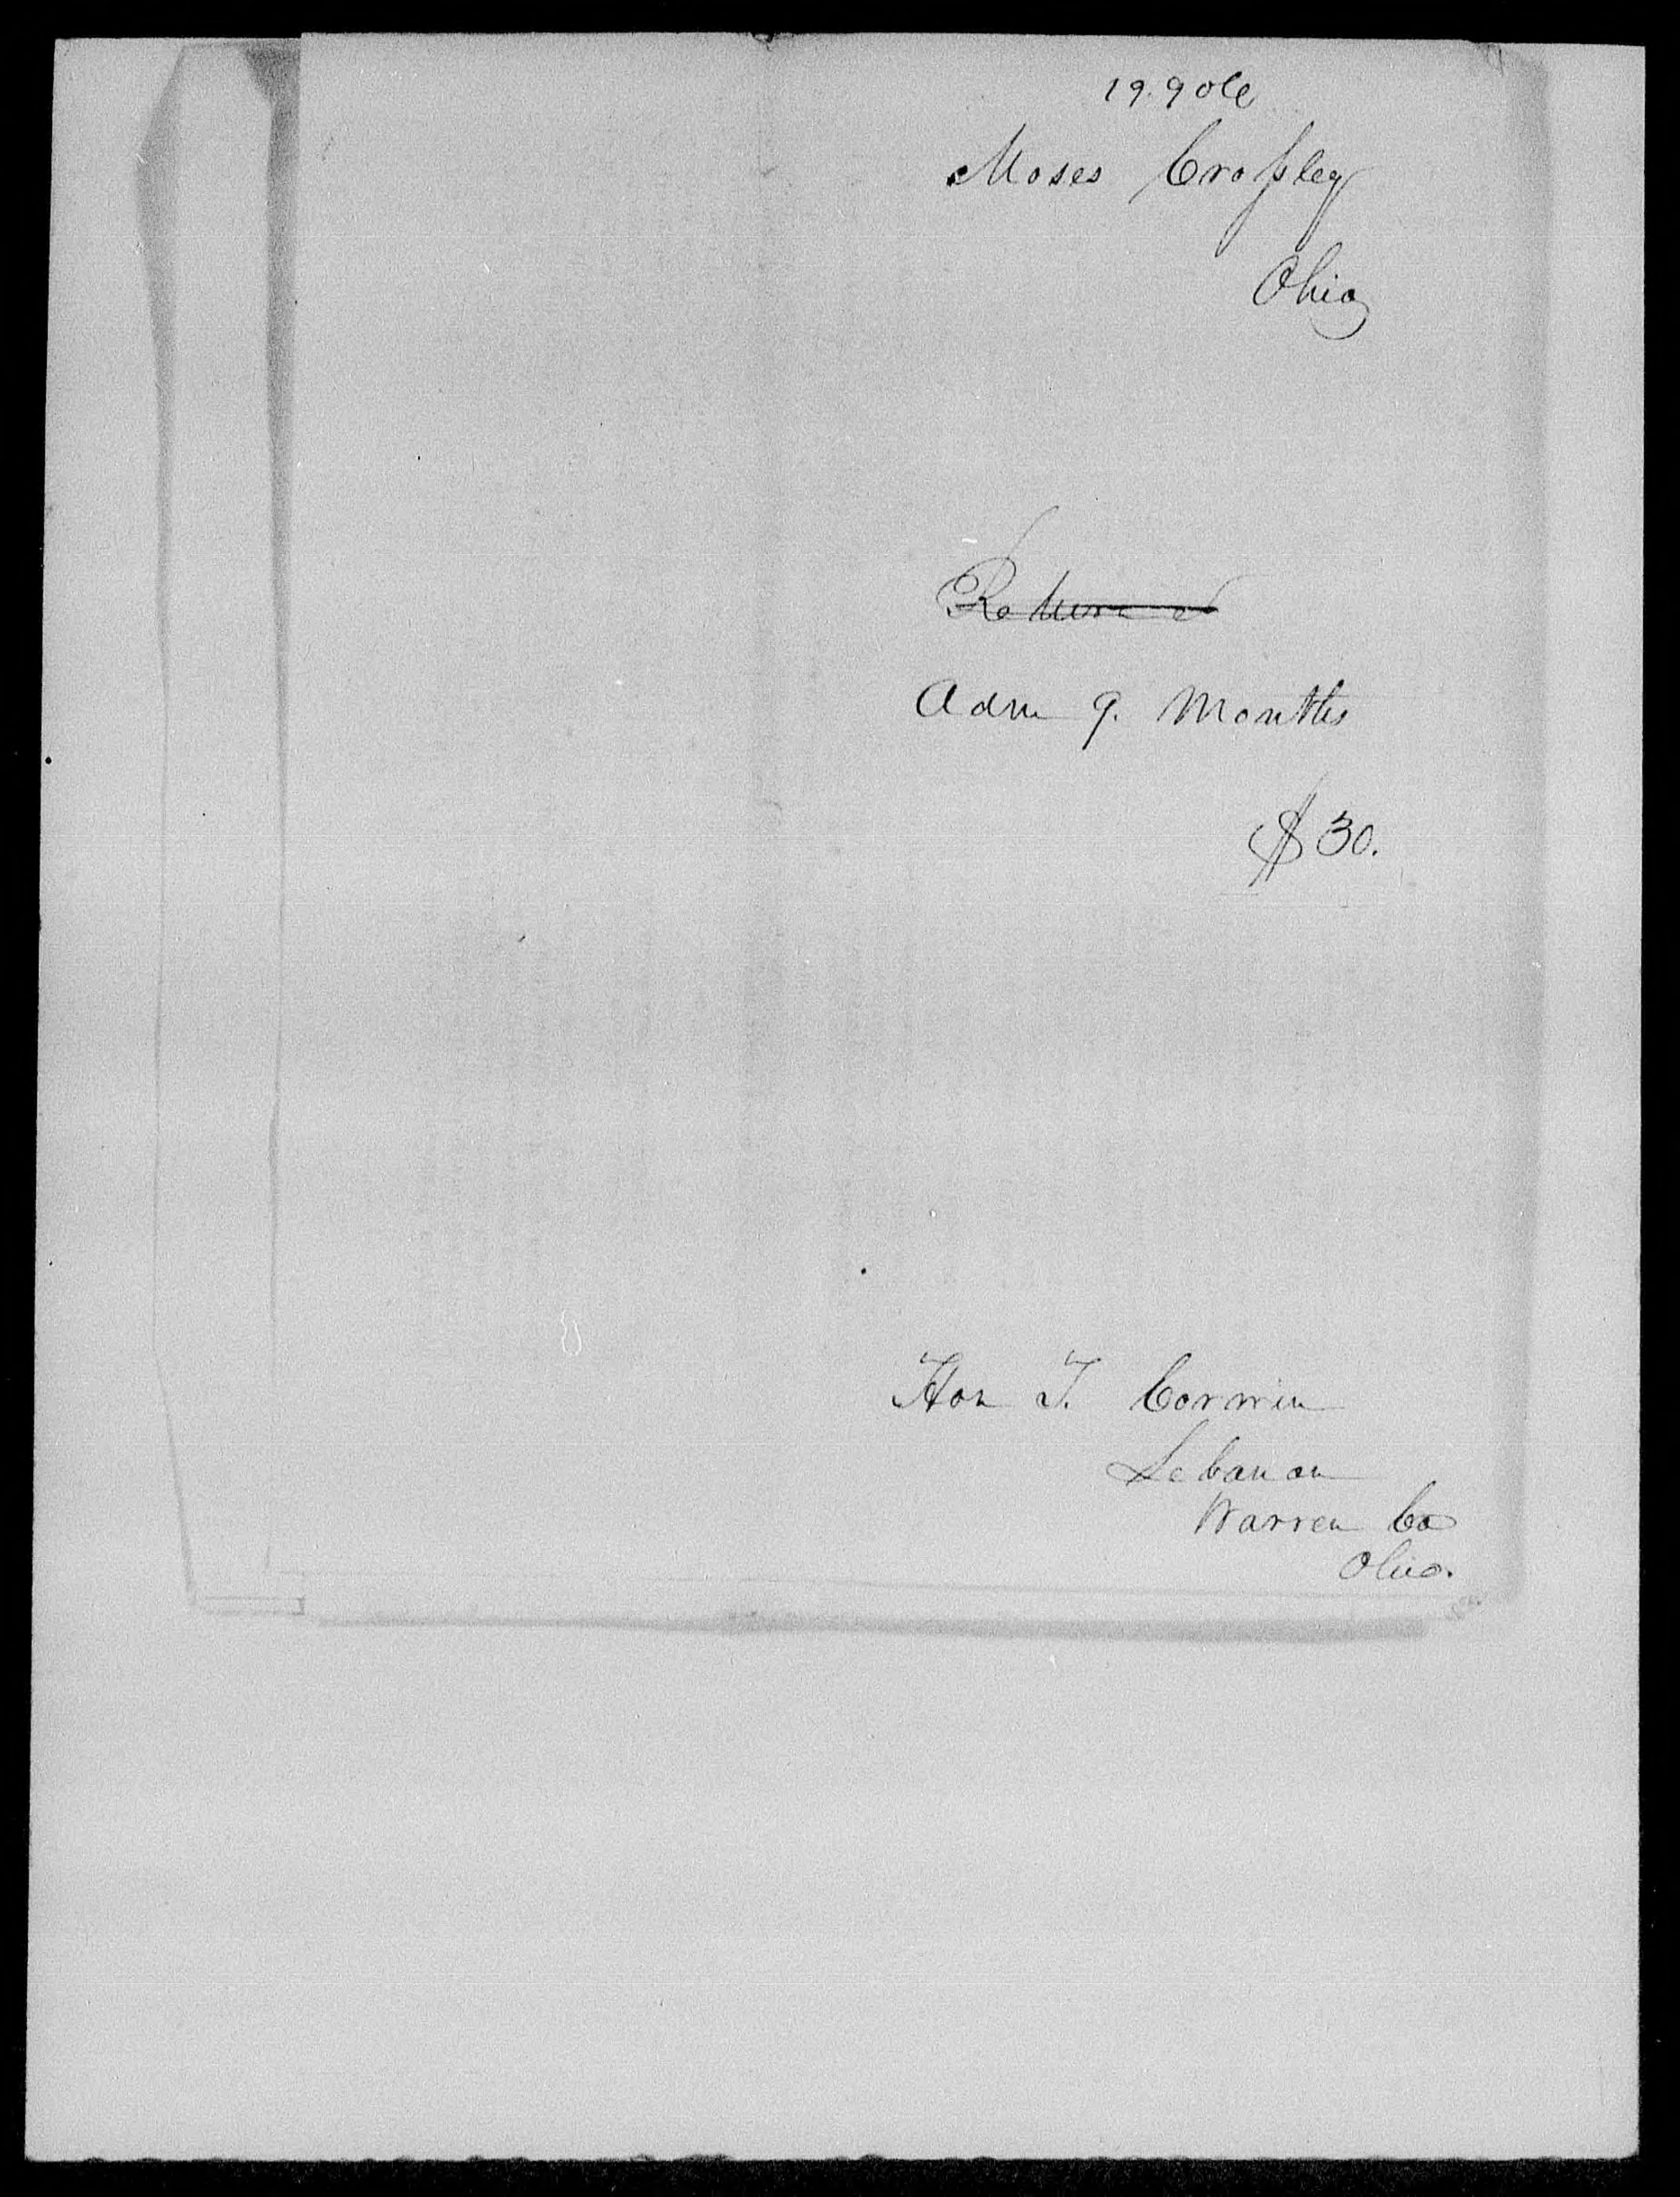19.9 ole
Moses Crosley
Ohio

Adm 9. Months
$30

Hon T Corwin
Lebanon
Warren Co
Ohio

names: T Corwin, Moses Crossley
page: 8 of 37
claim: rejected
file: R. 2516, Moses Crosley, Md.